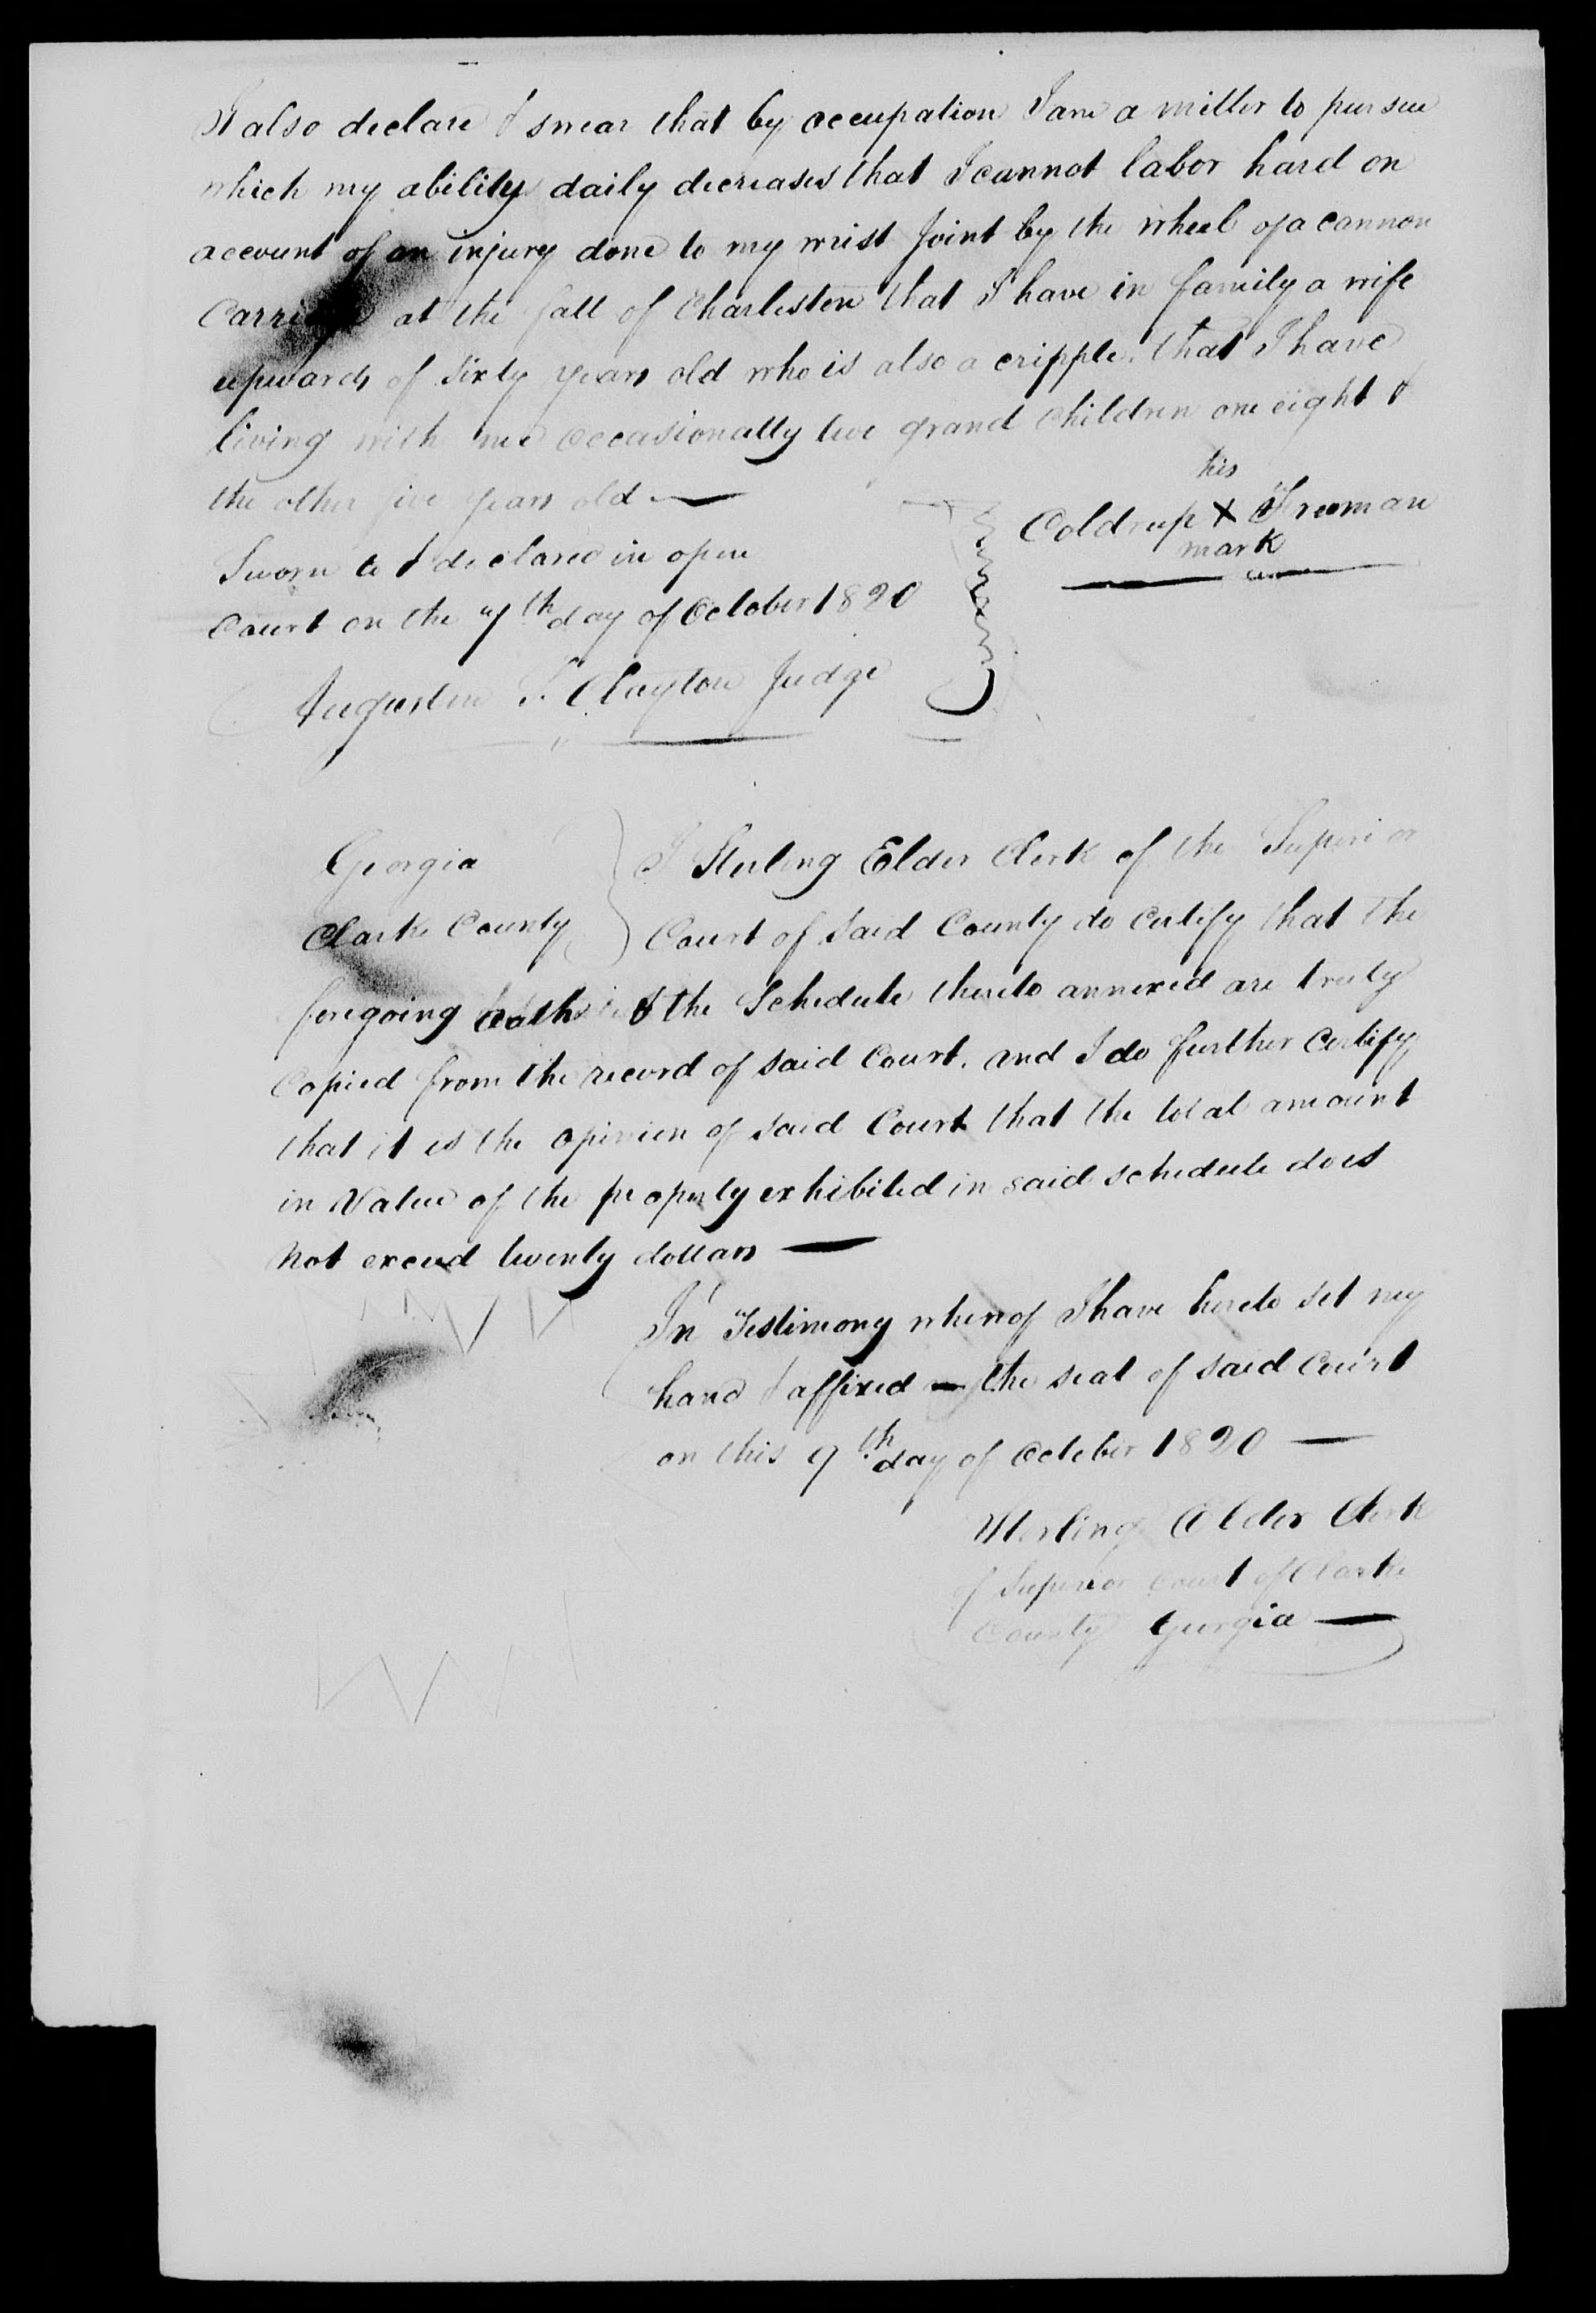I also declare & swear that by occupation I am a miller to pursue which my ability daily decreased that I cannot labor hard on account of an injury done to my wrist joint by the wheel of a cannon carriage at the fall of Charleston that I have in family a wife upwards of sixty years old who is also a cripple.  That I have living with me occasionally two grandchildren one eight & the other five years old --

Coldrup X Freeman
   his mark

Sworn to & declared in open Court on the 7th day of October 1820
 Augustin S. Clayton Judge

Georgia
Clark County

I Sterling Elder Clerk of said County do certify that the foregoing oath & the Schedule thereto annexed are truly copied from the record of said Court, and I do further certify that it is the opinion of said Court that the total amount in Value of the property exhibited in said schedule does not exceed twenty dollars --

In Testimony whereof I have hereto set my hand & affixed the seal of said Court on this 9th day of October 1820 --

Sterling Elder Clerk of Superior Court of Clarke County Georgia --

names: Coldrup Freeman, Sterling Elder, Sterling Elder, Augustin S Clayton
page: 10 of 15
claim: survivor's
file: S. 37,941, Coldrup Freeman, Va.